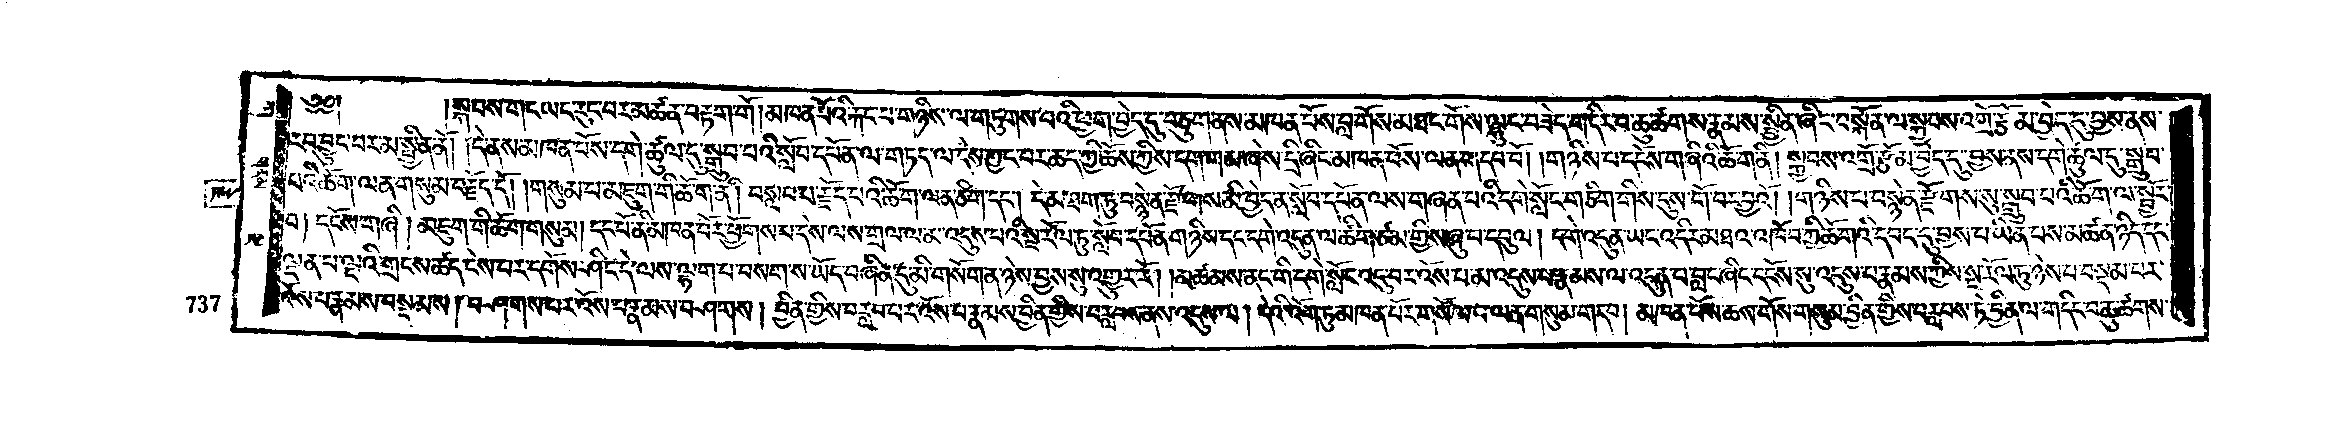༄༅། །སྐབས་གང་ཡང་རུང་བར་མཚན་བརྟག་གོ །མཁན་པོའི་རྐང་པ་གཉིས་ལ་གཏུགས་པའི་ཕྱག་བྱེད་དུ་བཅུག་ནས་མཁན་པོས་བླ་གོས་མཐང་གོས་ལྷུང་བཟེད་གདིར་བ་ཆུ་ཚགས་རྣམས་སྦྱིན་ཞིང་བསྐོན་ལ་སྐྱབས་འགྲོ་རྩོམ་བྱེད་དུ་བྱས་ནས་
རབ་བྱུང་བར་མ་སྦྱིན་ནོ། །དེ་ནས་མཁན་པོས་དགེ་ཚུལ་དུ་སྒྲུབ་པའི་སློབ་དཔོན་ལ་གཏད་ལ་དེས་ཀྱང་བར་ཆད་ཀྱི་ཆོས་ཀྱིས་དག་གམ་ཞེས་དྲི་ཞིང་མཁན་པོས་ལན་གདབ་བོ། །གཉིས་པ་དངོས་གཞིའི་ཆོ་ག་ནི། སྐྱབས་འགྲོ་རྩོམ་བྱེད་དུ་བྱས་ནས་དགེ་ཚུལ་དུ་སྒྲུབ་
པའི་ཆོ་ག་ལན་གསུམ་བརྗོད་དོ། །གསུམ་པ་མཇུག་གི་ཆོ་ག་ནི། བསླབ་པ་བརྗོད་པའི་ཆོ་ག་ལན་ཅིག་དང་། དེ་མ་ཐག་ཏུ་བསྙེན་རྫོགས་མི་བྱེད་ན་སློབ་དཔོན་ལས་གཞན་པའི་དགེ་སློང་གཅིག་གིས་དུས་གོ་བར་བྱའོ། །གཉིས་པ་བསྙེན་རྫོགས་སུ་སྒྲུབ་པའི་ཆོ་ག་ལ་སྦྱོར་
བ། དངོས་གཞི། མཇུག་གི་ཆོ་ག་གསུམ། དང་པོ་ནི་མཁན་པོར་ཕྱོགས་པ་དེས་ལས་གྲལ་ལ་མ་འདུས་པའི་སྔ་རོལ་ཏུ་སློབ་དཔོན་གཉིས་དང་དགེ་འདུན་ལ་ཚིག་ཙམ་གྱིས་ཞུ་བ་དབུལ། དགེ་འདུན་ཡང་འདིར་མཐའ་འཁོབ་ཀྱི་ཆོ་གའི་དབང་དུ་བྱས་པ་ཡིན་པས་མཚན་ཉིད་དང་
ལྡན་པ་ལྔའི་གྲངས་ཚད་ངེས་པར་དགོས་ཤིང་དེ་ལས་ལྷག་པ་བསག་ས་ཡོད་བཞིན་དུ་མི་གསོག་ན་ཉེས་བྱས་སུ་འགྱུར་རོ། །མཚམས་ནང་གི་དགེ་སློང་འདུ་བར་འོས་པ་མ་འདུས་པ་རྣམས་ལ་འདུན་པ་བླང་ཞིང་དངོས་སུ་འདུས་པ་རྣམས་ཀྱིས་སྔ་རོལ་ཏུ་ཉེས་པ་བསྡམ་པར་
འོས་པ་རྣམས་བསྡམས། བཤགས་པར་འོས་པ་རྣམས་བཤགས། བྱིན་གྱིས་བརླབ་པར་འོས་པ་རྣམས་བྱིན་གྱིས་བརླབས་ནས་འདུས་ལ། དེའི་འོག་ཏུ་མཁན་པོར་གསོལ་བ་ལན་གསུམ་གདབ། མཁན་པོས་ཆས་གོས་གསུམ་བྱིན་གྱིས་བརླབས་ཏེ་བྱིན་ལ་གདིང་བ་ཆུ་ཚགས་